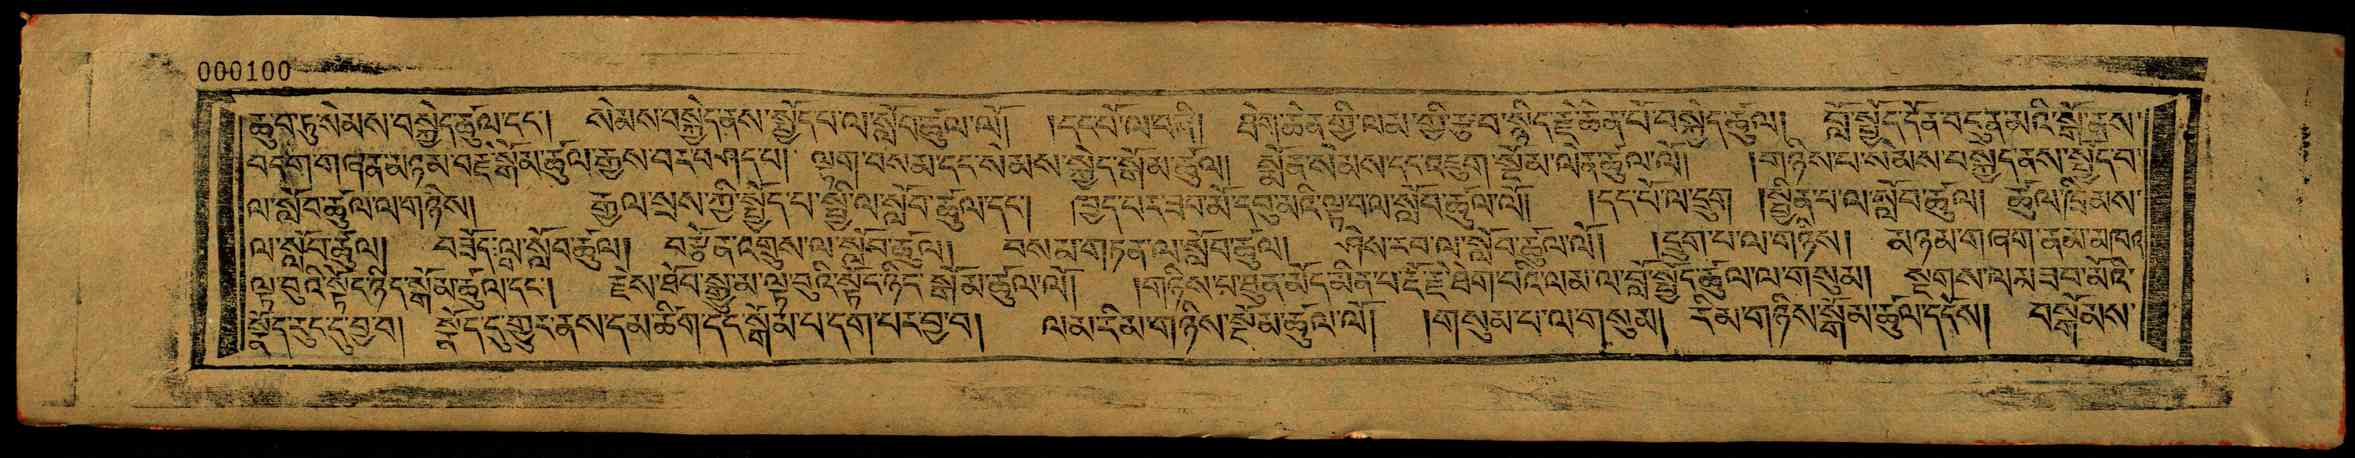ཆུབ་ཏུ་སེམས་བསྐྱེད་ཚུལ་དང་། སེམས་བསྐྱེད་ནས་སྤྱོད་པ་ལ་སློབ་ཚུལ་ལོ། །དང་པོ་ལ་བཞི། ཐེག་ཆེན་གྱི་ལམ་གྱི་རྩ་བ་སྙིང་རྗེ་ཆེན་པོ་བསྐྱེད་ཚུལ། བློ་སྦྱོང་དོན་བདུན་པའི་སྒོ་ནས་
བདག་གཞན་མཉམ་བ་རྗེ་སྒོམ་ཚུལ་རྒྱས་པར་བཤད་པ། ལྷག་བསམ་དང་སེམས་སྐྱེད་སྒོམ་ཚུལ། སྨོན་སེམས་དང་འཇུག་སྡོམ་ལེན་ཚུལ་ལོ། །གཉིས་པ་སེམས་བསྐྱེད་ནས་སྤྱོད་པ་
ལ་སློབ་ཚུལ་ལ་གཉིས། རྒྱལ་སྲས་ཀྱི་སྤྱོད་པ་སྦྱི་ལ་སློབ་ཚུལ་དང་། ཁྱད་པར་ཟབ་མོ་དབུ་མའི་ལྟ་བ་ལ་སློབ་ཚུལ་ལོ། །དང་པོ་ལ་དྲུག །སྦྱིན་པ་ལ་སློབ་ཚུལ། ཚུལ་ཁྲིམས་
ལ་སློབ་ཚུལ། བཟོད་པ་ལ་སློབ་ཚུལ། བརྩོན་འགྲུས་ལ་སློབ་ཚུལ། བསམ་གཏན་ལ་སློབ་ཚུལ། ཤེས་རབ་ལ་སློབ་ཚུལ་ལོ། །དྲུག་པ་ལ་གཉིས། མཉམ་གཞག་ནམ་མཁའ་
ལྟ་བུའི་སྟོང་ཉིད་སྒོམ་ཚུལ་དང་། རྗེས་ཐོབ་སྒྱུ་མ་ལྟ་བུའི་སྟོང་ཉིད་སྒོམ་ཚུལ་ལོ། །གཉིས་པ་ཐུན་མོང་མིན་པ་རྡོ་རྗེ་ཐེག་པའི་ལམ་ལ་བློ་སྦྱོང་ཚུལ་ལ་གསུམ། སྔགས་ལམ་ཟབ་མོའི་
སྣོད་རུང་དུ་བྱ་བ། སྣོད་དུ་གྱུར་ནས་དམ་ཚིག་དང་སྡོམ་པ་དག་པར་བྱ་བ། ལམ་རིམ་གཉིས་སྒོམ་ཚུལ་ལོ། །གསུམ་པ་ལ་གསུམ། རིམ་གཉིས་སྒོམ་ཚུལ་དངོས། བསྒོམས་